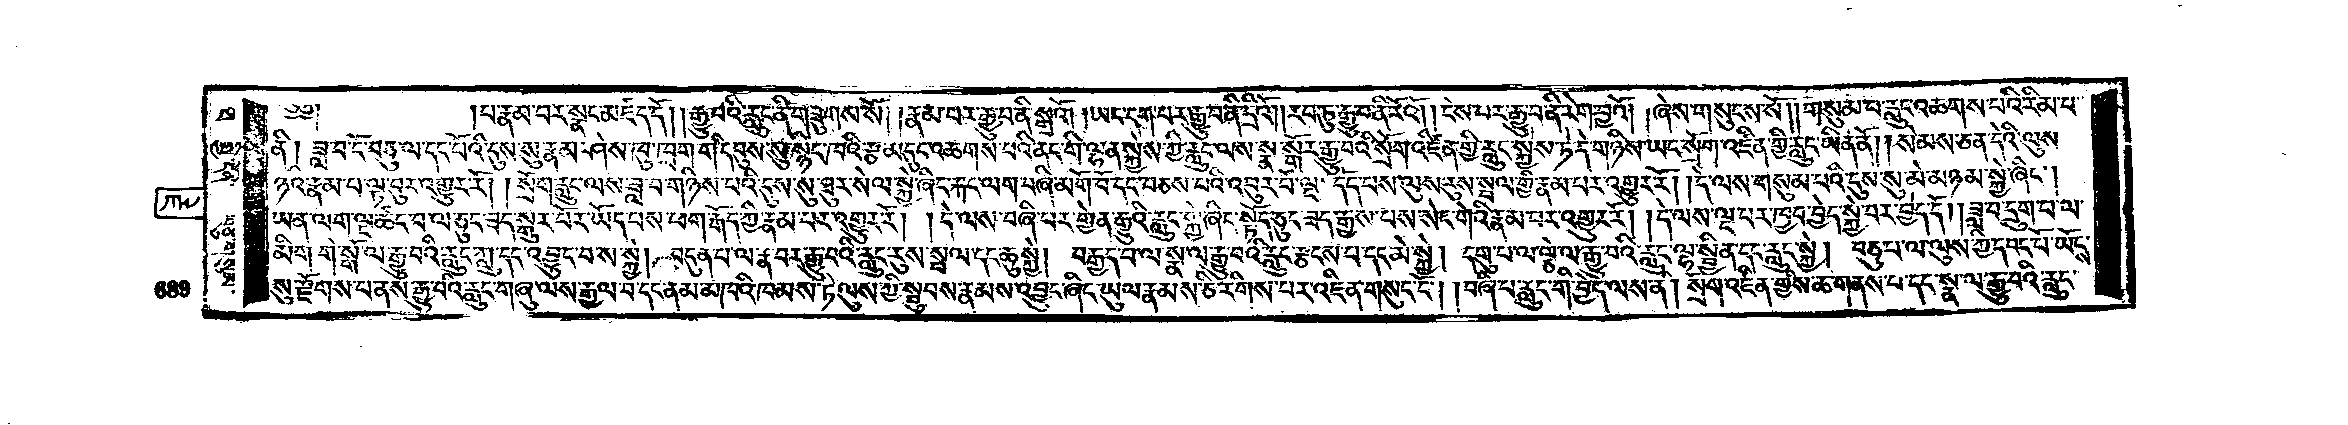༄༅། །པ་རྣམ་པར་སྣང་མཛད་དོ། །རྒྱུ་བའི་རླུང་ནི་གཟུགས་སོ། །རྣམ་པར་རྒྱུ་བ་ནི་སྒྲའོ། །ཡང་དག་པར་རྒྱུ་བ་ནི་དྲིའོ། །རབ་ཏུ་རྒྱུ་བ་ནི་རོའོ། །ངེས་པར་རྒྱུ་བ་ནི་རེག་བྱའོ། །ཞེས་གསུངས་སོ། །གསུམ་པ་རླུང་འཆགས་པའི་རིམ་པ་
ནི། ཟླ་བ་ངོ་བཅུ་ལ་དང་པོའི་དུས་སུ་རྣམ་ཤེས་ཁུ་ཁྲག་གི་དབུས་སུ་སྙིང་ཁའི་རྩ་མདུད་འཆགས་པའི་ནང་གི་ལྷན་སྐྱེས་ཀྱི་རླུང་ལས་སྣ་སྒོར་རྒྱུ་བའི་སྲོག་འཛིན་གྱི་རླུང་སྐྱེས་ཏེ་དེ་གཉིས་ཡང་སྲོག་འཛིན་གྱི་རླུང་ཡིན་ནོ། །སེམས་ཅན་དེའི་ལུས་
ཉའི་རྣམ་པ་ལྟ་བུར་འགྱུར་རོ། །སྲོག་རླུང་ལས་ཟླ་བ་གཉིས་པའི་དུས་སུ་ཐུར་སེལ་སྐྱེ་ཞིང་རྐང་ལག་བཞི་མགོ་བོ་དང་བཅས་པའི་འབུར་པོ་ལྔ་དོད་པས་ལུས་རུས་སྦལ་གྱི་རྣམ་པར་འགྱུར་རོ། །དེ་ལས་གསུམ་པའི་དུས་སུ་མེ་མཉམ་སྐྱེ་ཞིང་། ཡན་ལག་ལྔ་ཚང་བ་ལ་ཅུང་ཟད་སྒུར་པོར་ཡོད་པས་ཕག་རྒོད་ཀྱི་རྣམ་པར་འགྱུར་རོ། །དེ་ལས་བཞི་པར་གྱེན་རྒྱུའི་རླུང་སྐྱེ་ཞིང་སྟོད་ཅུང་ཟད་རྒྱས་པས་སེང་གེའི་རྣམ་པར་འགྱུར་རོ། །དེ་ལས་ལྔ་པར་ཁྱབ་བྱེད་སྐྱེ་བར་བྱེད་དོ། །ཟླ་བ་དྲུག་པ་ལ་
མིག་གི་སྒོ་ལ་རྒྱུ་བའི་རླུང་ཀླུ་དང་འབྱུང་བ་ས་སྐྱེ། བདུན་པ་ལ་རྣ་བར་རྒྱུ་བའི་རླུང་རུས་སྦལ་དང་ཆུ་སྐྱེ། བརྒྱད་པ་ལ་སྣ་ལ་རྒྱུ་བའི་རླུང་རྩངས་པ་དང་མེ་སྐྱེ། དགུ་པ་ལ་ལྕེ་ལ་རྒྱུ་བའི་རླུང་ལྷ་སྦྱིན་དང་རླུང་སྐྱེ། བཅུ་པ་ལ་ལུས་ཀྱི་དབང་པོ་ཡོངས་
སུ་རྫོགས་པ་ནས་རྒྱུ་བའི་རླུང་གཞུ་ལས་རྒྱལ་བ་དང་ནམ་མཁའི་ཁམས་ཏེ་ལུས་ཀྱི་སྦུབས་རྣམས་འབྱུང་ཞིང་ཡུལ་རྣམས་ཅི་རིགས་པར་འཛིན་གསུང་ངོ། །བཞི་པ་རླུང་གི་བྱེད་ལས་ནི། སྲོག་འཛིན་གྱིས་ཆ་གནས་པ་དང་སྣ་ལ་རྒྱུ་བའི་རླུང་